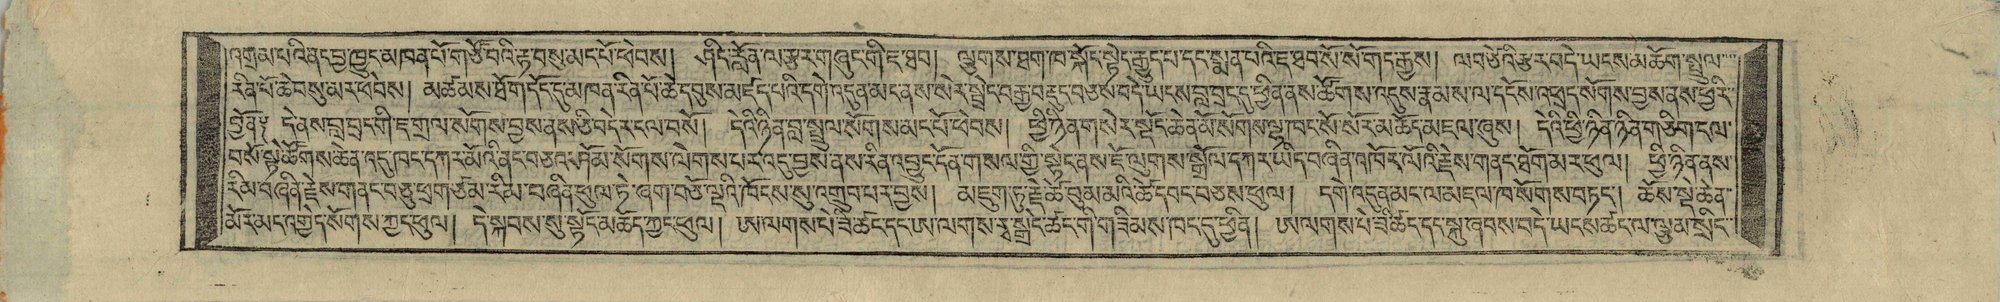འགྲམ་པའི་ནང་བྱ་ཁྱུང་མཁན་པོ་གཙོ་བའི་རྟ་བསུ་མང་པོ་ཕེབས། ཤིང་རློན་ལ་རྩར་གཞུང་གི་ཇ་ཐབ། ལྕགས་ཐག་ཁ་སྐོང་སྟེང་རྒྱུད་པ་དང་སྨན་པའི་ཇ་ཐབ་སོ་སོ་གང་རྒྱས། ལབ་ཙེའི་རྩར་བདེ་ཡངས་མཆོག་སྤྲུལ་
རིན་པོ་ཆེ་བསུ་མར་ཕེབས། མཚམས་ཐོ་གདོང་དུ་མཁན་རིན་པོ་ཆེ་དབུས་མཛད་པའི་དགེ་འདུན་མང་ནས་སེར་སྦྲེང་བརྒྱ་བརྡུང་བཅས་བདེ་ཡངས་བླ་བྲང་དུ་ཕྱིན་ནས་ཚོགས་འདུས་རྣམས་ལ་དངོས་འཕྲད་སོགས་བྱས་ནས་ཕྱིར་
བྱོན། དེ་ནས་བླ་བྲང་གི་ཇ་གྲལ་སོགས་བྱས་ནས་ཅི་བདེར་ངལ་བསོ། དེའི་ཉིན་བླ་སྤྲུལ་སོགས་མང་པོ་ཕེབས། ཕྱི་ཉིན་གསེར་སྡོང་ཆེན་མོ་སོགས་ལྷ་ཁང་སོ་སོར་མཆོད་མཇལ་ཞུས། དེའི་ཕྱི་ཉིན་ཉིན་གཅིག་ངལ་
བསོ་སྟེ་ཚོགས་ཆེན་འདུ་ཁང་དཀར་མོའི་ནང་བཅའ་ཤོམ་སོགས་ལེགས་པར་འདུ་བྱས་ནས་རིན་འབྱུང་དོན་གསལ་གྱི་སྟེང་ནས་ཇོ་ལུགས་སྒྲོལ་དཀར་ཡིད་བཞིན་འཁོར་ལོའི་རྗེས་གནང་ཐོག་མར་ཕུལ། ཕྱི་ཉིན་ནས་
རིམ་བཞིན་རྗེས་གནང་བཅུ་ཕྲག་ཙམ་རིམ་བཞིན་ཕུལ་ཏེ་ཞག་བཅོ་ལྔའི་ཁོངས་སུ་འགྲུབ་པར་བྱས། མཇུག་ཏུ་རྗེ་ཚེ་བུམ་མའི་ཚེ་དབང་བཅས་ཕུལ། དགེ་འདུན་མང་ལ་མཇལ་ཁ་སོགས་བཏང་། ཆོས་སྡེ་ཆེན་
མོར་མང་འགྱེད་སོགས་ཀྱང་ཕུལ། དེ་སྐབས་སུ་སྟོང་མཆོད་ཀྱང་ཕུལ། ཨ་ལགས་པེ་ཟི་ཚང་དང་ཨ་ལགས་རྭ་སྒྲེང་ཚང་གི་གཟིམས་ཁང་དུ་ཕྱིན། ཨ་ལགས་པེ་ཟི་ཚང་དང་སྐུ་ཞབས་བདེ་ཡངས་ཚང་ལ་ལྕམ་སྲིང་